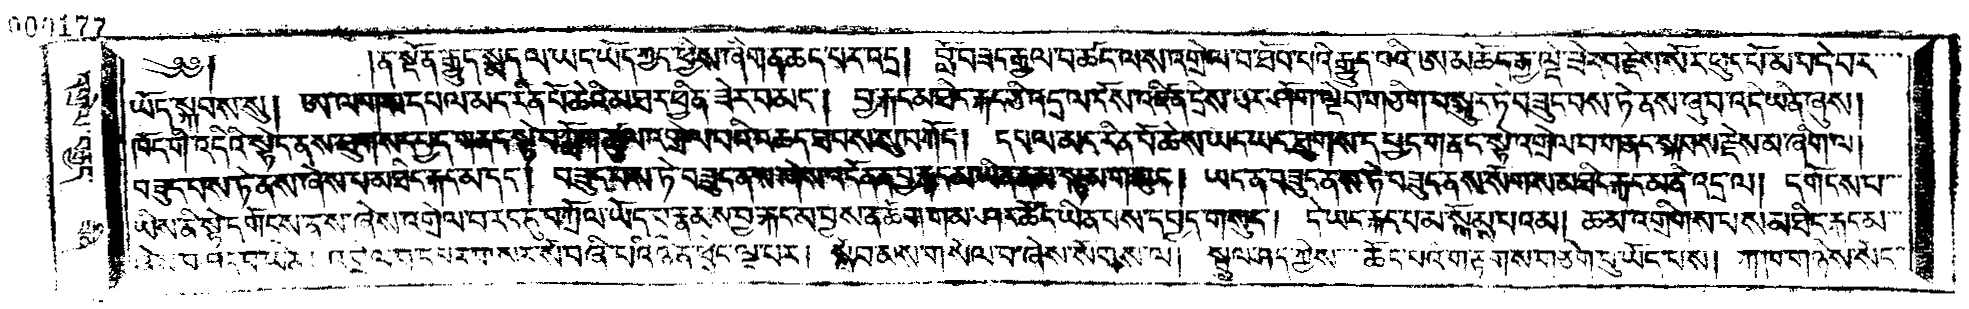༄༅། །ན་སྔོན་རྒྱུད་སྨད་ལ་ཡང་ཡོད་ཀྱང་ཕྱིས་ཞིག་ན་ཆད་པར་འདྲ། བློ་བཟང་རྒྱལ་བ་ཚང་ལས་འགྲེལ་བ་ཐོབ་པའི་རྒྱུད་པའི་ཨ་མཆོད་རྒྱ་ལྡི་ཟེར་བ་རྗེས་སོར་ཕུང་པོ་མ་བདེ་བར་
ཡོད་སྐབས་སུ། ཨ་ལགས་དཔལ་མང་རིན་པོ་ཆེའི་མཐར་ཕྱིན་ཟེར་བ་མང་། བྱ་རྐང་མཐིང་རྐང་ཅི་འདྲ་ལ་ངོས་འཛིན་དྲིས་པར་ཤོག་ལྡེབ་གཅིག་བསྐུར་ཏེ་བཟུང་བས་ཏེ་ནས་ཞུ་བ་འདི་ཡིན་ཞུས།
ཁོང་གི་འདིའི་སྟེང་ནས་ཐུགས་དཔྱད་གནང་སྟེ་བཀློག་ཚུལ་འགྲེལ་བའི་འཆད་ཐབས་སུ་བཀོད། དཔལ་མང་རིན་པོ་ཆེས་ཡང་ཡང་ཐུགས་དཔྱད་གནང་སྟེ་འགྲེལ་བ་གནང་སྐབས་རྗེས་མ་ཞིག་ལ།
བཟུང་བས་ཏེ་ནས་ཞེས་པ་མཐིང་རྐང་མ་དང་། བཟུང་བས་ཏེ་བཟུང་ནས་ཞེས་འདོན་ན་བྱ་རྐང་མ་ཡིན་ནམ་སྙམ་གསུང་། ཡང་ན་བཟུང་ནས་ཏེ་བཟུང་ནས་སོགས་མཐིང་རྐང་མ་ནི་འདྲ་ལ། དགོངས་པ་
ཡིས་ནི་སྟེ་དགོངས་ནས་ཞེས་འགྲེལ་བ་རང་དུ་བཀྲོལ་ཡོད་པ་རྣམས་བྱ་རྐང་མ་བྱས་ན་ཆོག་གམ་ཤར་ཚོད་ཡིན་པས་དཔྱད་གསུང་། དེ་ཡང་རྐང་པ་མ་སྙོམས་པའམ། ཆ་མ་འགྲིགས་པས་མཐིང་རྐང་མ་
ཞེས་བཤད་པ་ཡིན། འགྲེལ་བ་དཔར་གསར་སོ་བཞི་པའི་ཉིན་ཕྲེང་ལྔ་པར། སློབ་མས་གསོལ་བ་ཞེས་སོགས་ལ། སྤྲུལ་ཤད་ཀྱིས་ཆོད་པའི་ག་རྟགས་གཅིག་པུ་ཡོད་པས། ཀ་ཁ་གཉིས་སོང་